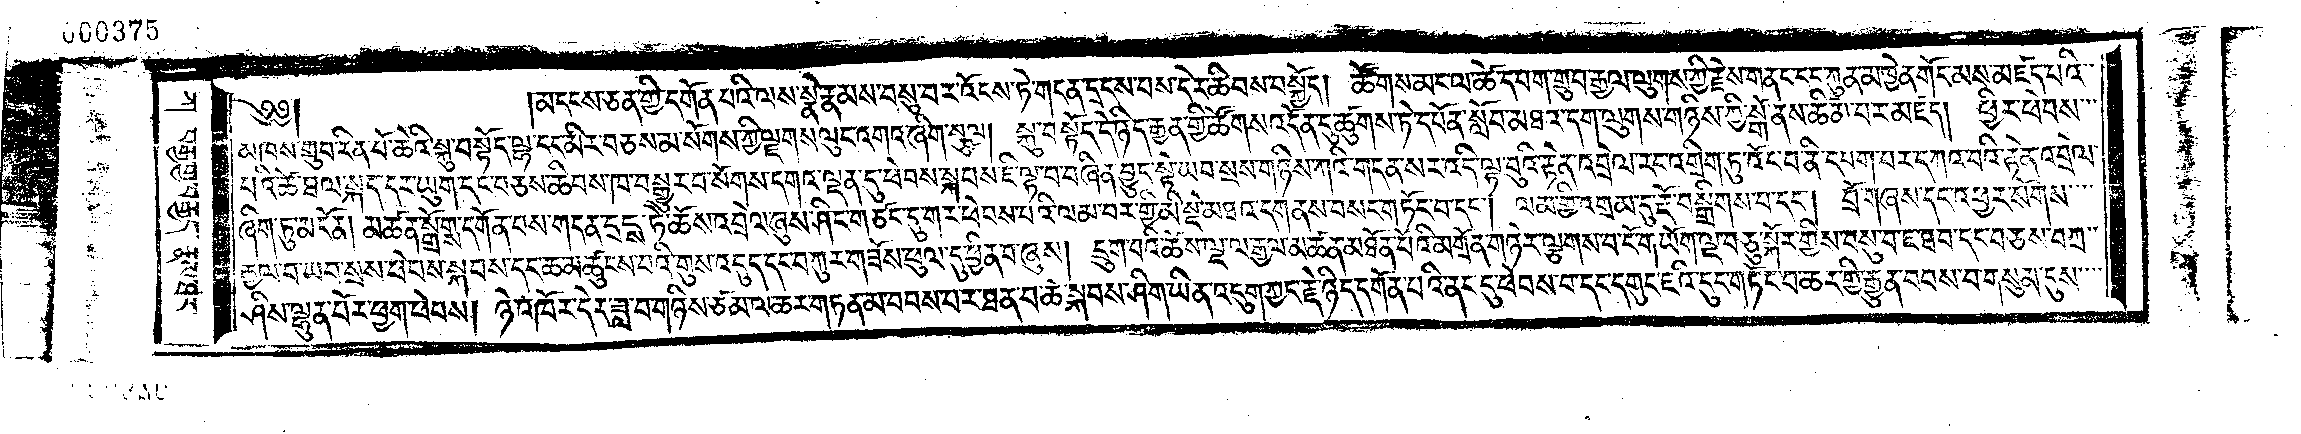༄༅། །མདངས་ཅན་གྱི་དགོན་པའི་ལས་སྣེ་རྣམས་བསུ་བར་འོངས་ཏེ་གདན་དྲངས་པས་དེར་ཆིབས་བསྐྱོད། ཚོགས་མང་ལ་ཚེ་དཔག་གྲུབ་རྒྱལ་ལུགས་ཀྱི་རྗེས་གནང་དང་ཀུན་མཁྱེན་གོང་མས་མཛད་པའི་
མཁས་གྲུབ་རིན་པོ་ཆེའི་སྐུ་བསྟོད་ལྷ་དང་མིར་བཅས་མ་སོགས་ཀྱི་ལྗགས་ལུང་འགའ་ཞིག་སྩལ། སྐུ་བསྟོད་དེ་ཉིད་རྒྱུན་གྱི་ཚོགས་འདོན་དུ་ཚུགས་ཏེ་དཔོན་སློབ་མཐའ་དག་ལུགས་གཉིས་ཀྱི་སྒོ་ནས་ཚིམ་པར་མཛད། ཕྱིར་ཕེབས་
པའི་ཚེ་ཐལ་སྐད་དར་ཡུག་དང་བཅས་ཆིབས་ཁ་བསྒྱུར་བ་སོགས་དགའ་ལྡན་དུ་ཕེབས་སྐབས་ཇི་ལྟ་བ་བཞིན་བྱུང་སྟེ་ཡབ་སྲས་གཉིས་ཀའི་གདན་སར་འདི་ལྟ་བུའི་རྟེན་འབྲེལ་རང་འགྲིག་ཏུ་འོང་བ་ནི་དཔག་པར་དཀའ་བའི་རྟེན་འབྲེལ་
ཞིག་ཏུ་མངོན། མཚན་སྒྲོགས་དགོན་པས་གདན་དྲངས་ཏེ་ཆོས་འབྲེལ་ཞུས་ཤིང་གཙང་དུ་གར་ཕེབས་པའི་ལམ་བར་གྱི་མི་སྡེ་མཐའ་དག་ནས་བསང་གཏོང་བ་དང་། ལམ་གྱི་འགྲམ་དུ་རྡོ་བསྒྲིགས་པ་དང་། བྲོ་གཞས་དར་འཕྱར་སོགས་
རྒྱལ་བ་ཡབ་སྲས་ཕེབས་སྐབས་དང་ཆ་མཚུངས་པའི་གུས་འདུད་དང་བཀུར་གཟོས་ཕུལ་དུ་ཕྱིན་པ་ཞུས། དྲུག་པའི་ཚེས་ལྔ་ལ་རྒྱལ་མཚན་མཐོན་པོའི་མགྲོན་གཉེར་ལྕགས་པ་ངོ་གཡོག་ལྔ་བཅུ་སྐོར་གྱིས་བསུ་བ་ཇ་ཐབ་དང་བཅས་བཀྲ་
ཤིས་ལྷུན་པོར་ཕྱག་ཕེབས། ཉེ་འཁོར་དེར་ཟླ་བ་གཉིས་ཙམ་ལ་ཆར་གཏན་མ་བབས་པར་ཐན་པ་ཆེ་སྐབས་ཤིག་ཡིན་འདུག་ཀྱང་རྗེ་ཉིད་དགོན་པའི་ནང་དུ་ཕེབས་པ་དང་དགུང་ཇའི་དུང་གཏོང་བ་ཆར་གྱི་རྒྱུན་བབས་པ་གསུམ་དུས་